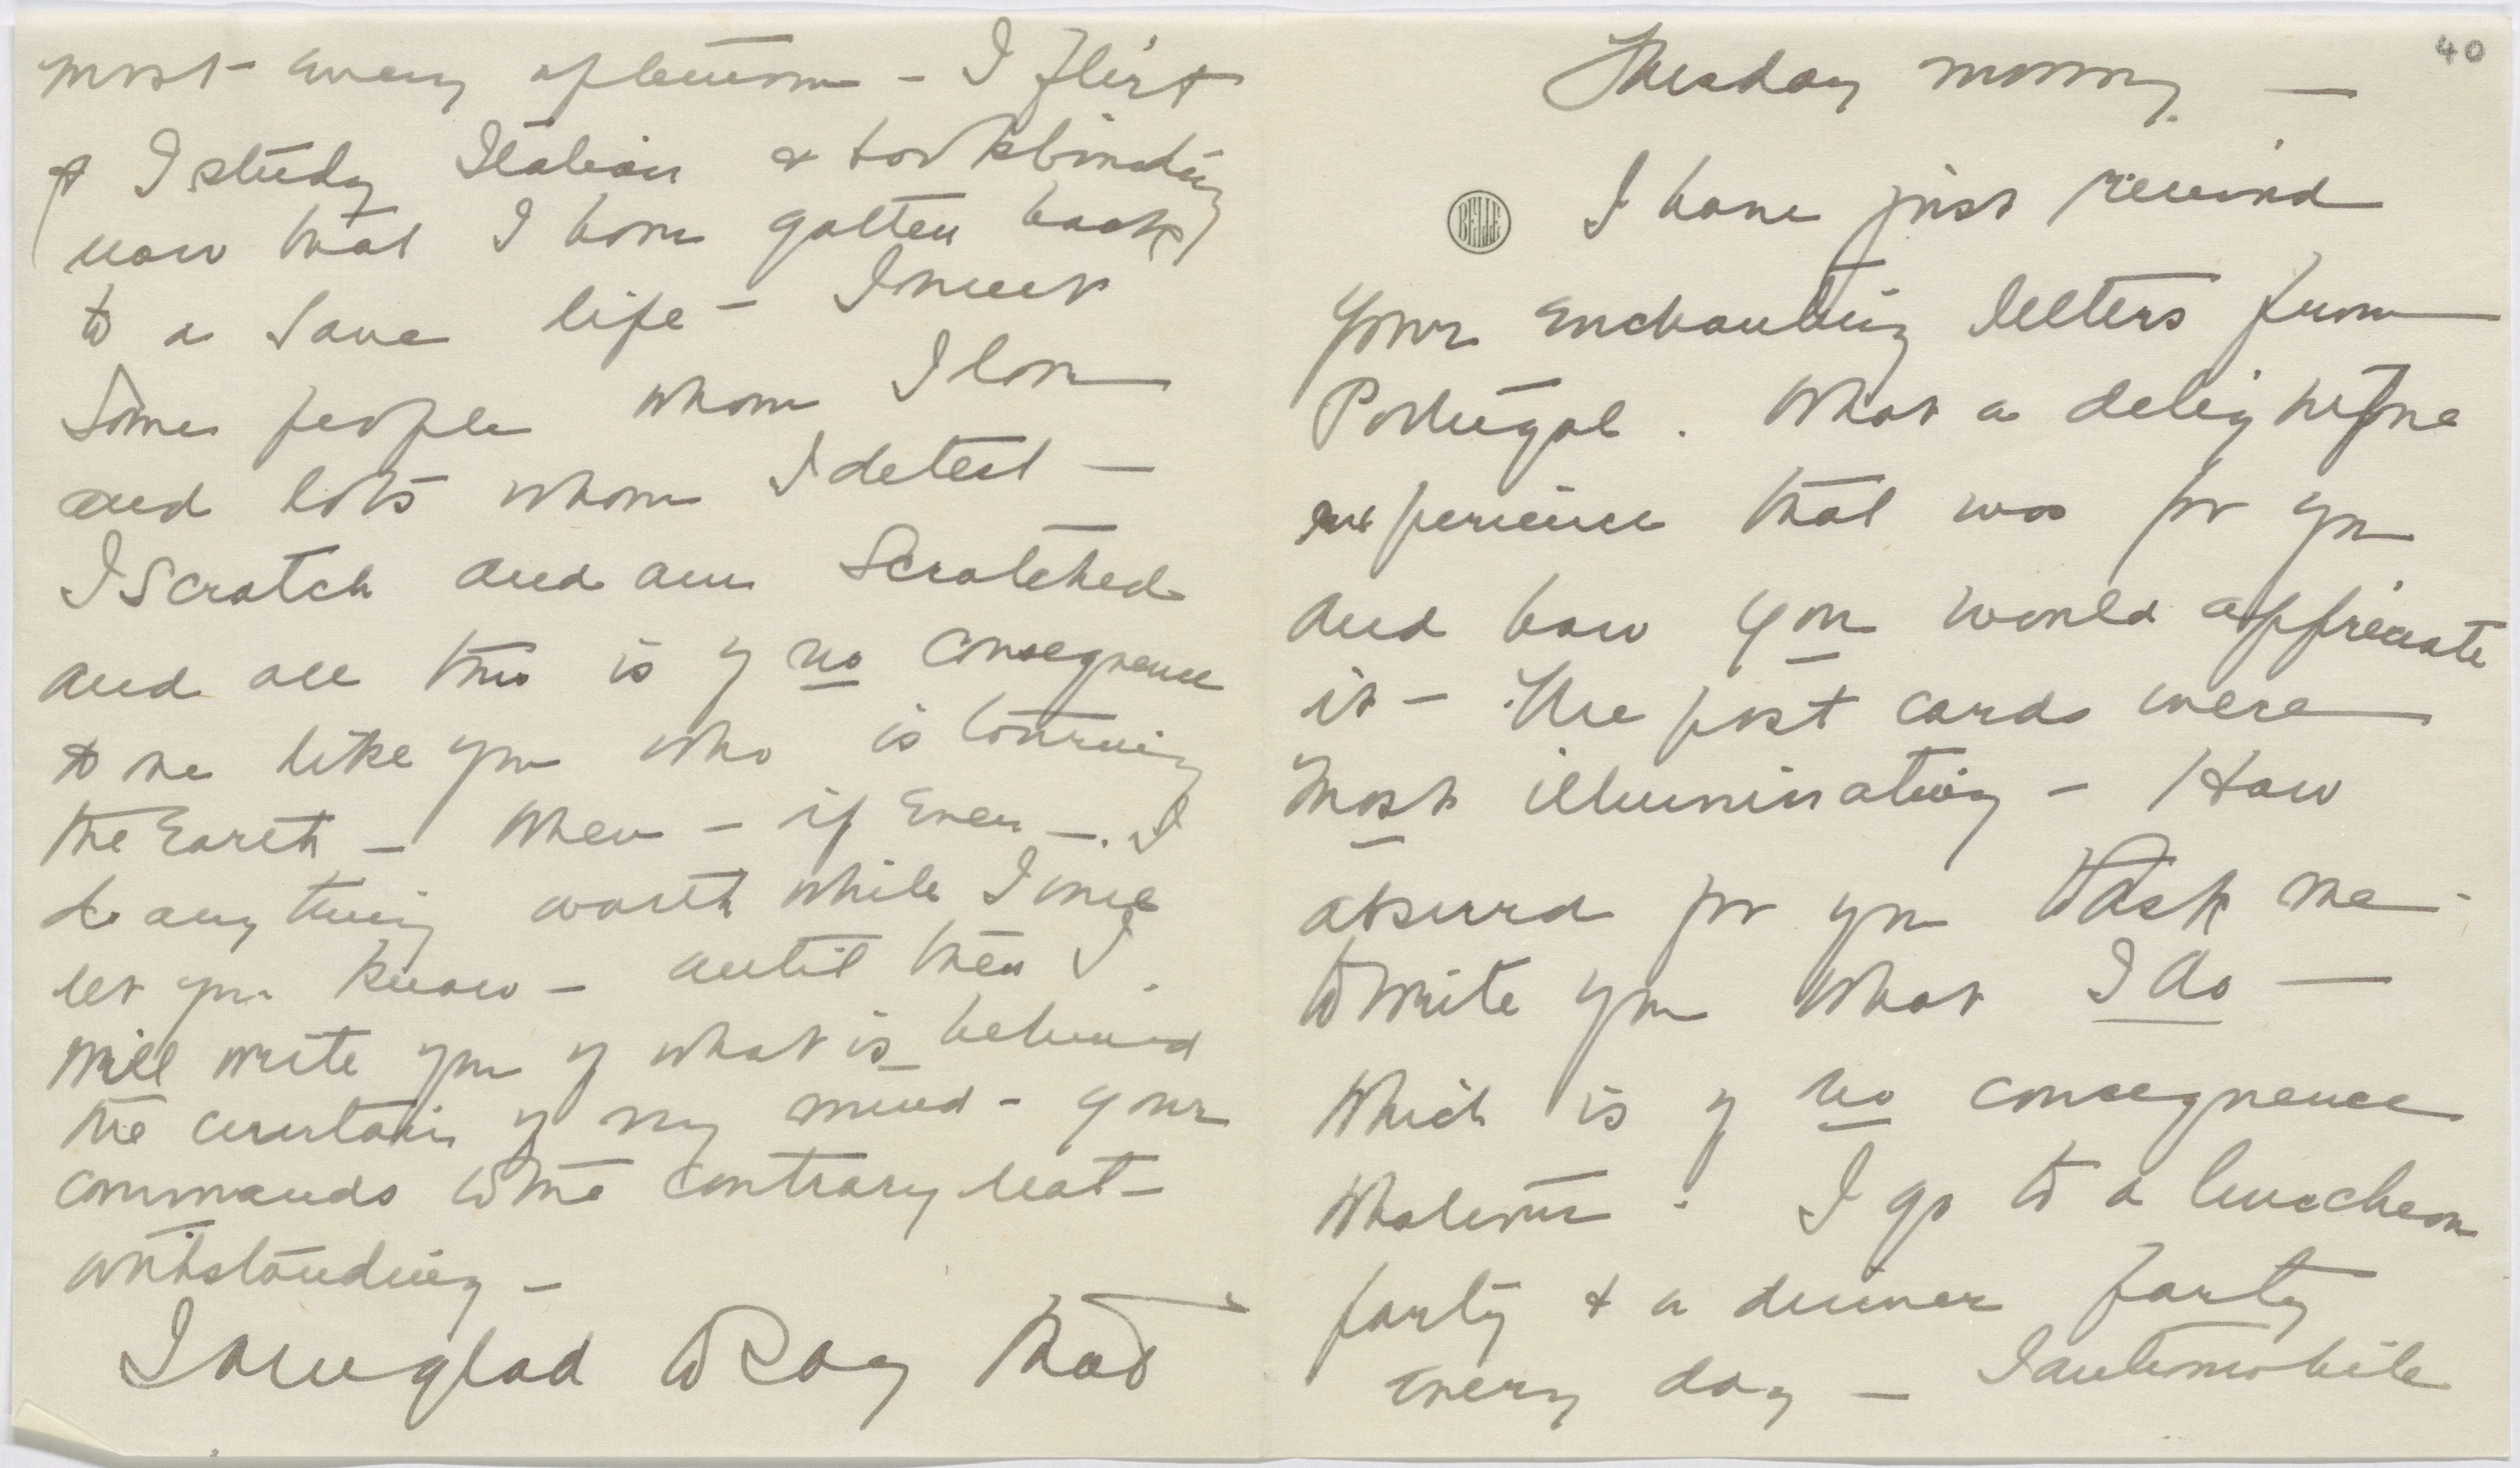Thursday morning –
I have just received your enchanting letters from Portugal. What a delightful experience that was for you and how you would appreciate it – the post cards were most illuminating – How absurd for you to ask me to write you what I do – which is of no consequence whatever! I go to a luncheon party & a dinner party every day – I automobile
most every afternoon – I flirt & I study Italian & bookbinding now that I have gotten back to a sane life – I meet some people whom I love and lots whom I detest – I scratch and am scratched and all this is of no consequence to one like you who is touring the Earth – When – if ever – I do any thing worth while I will let you know – until then I will write you of what is behind the curtain of my mind – your commands to the contrary notwithstanding –
I am glad to say that